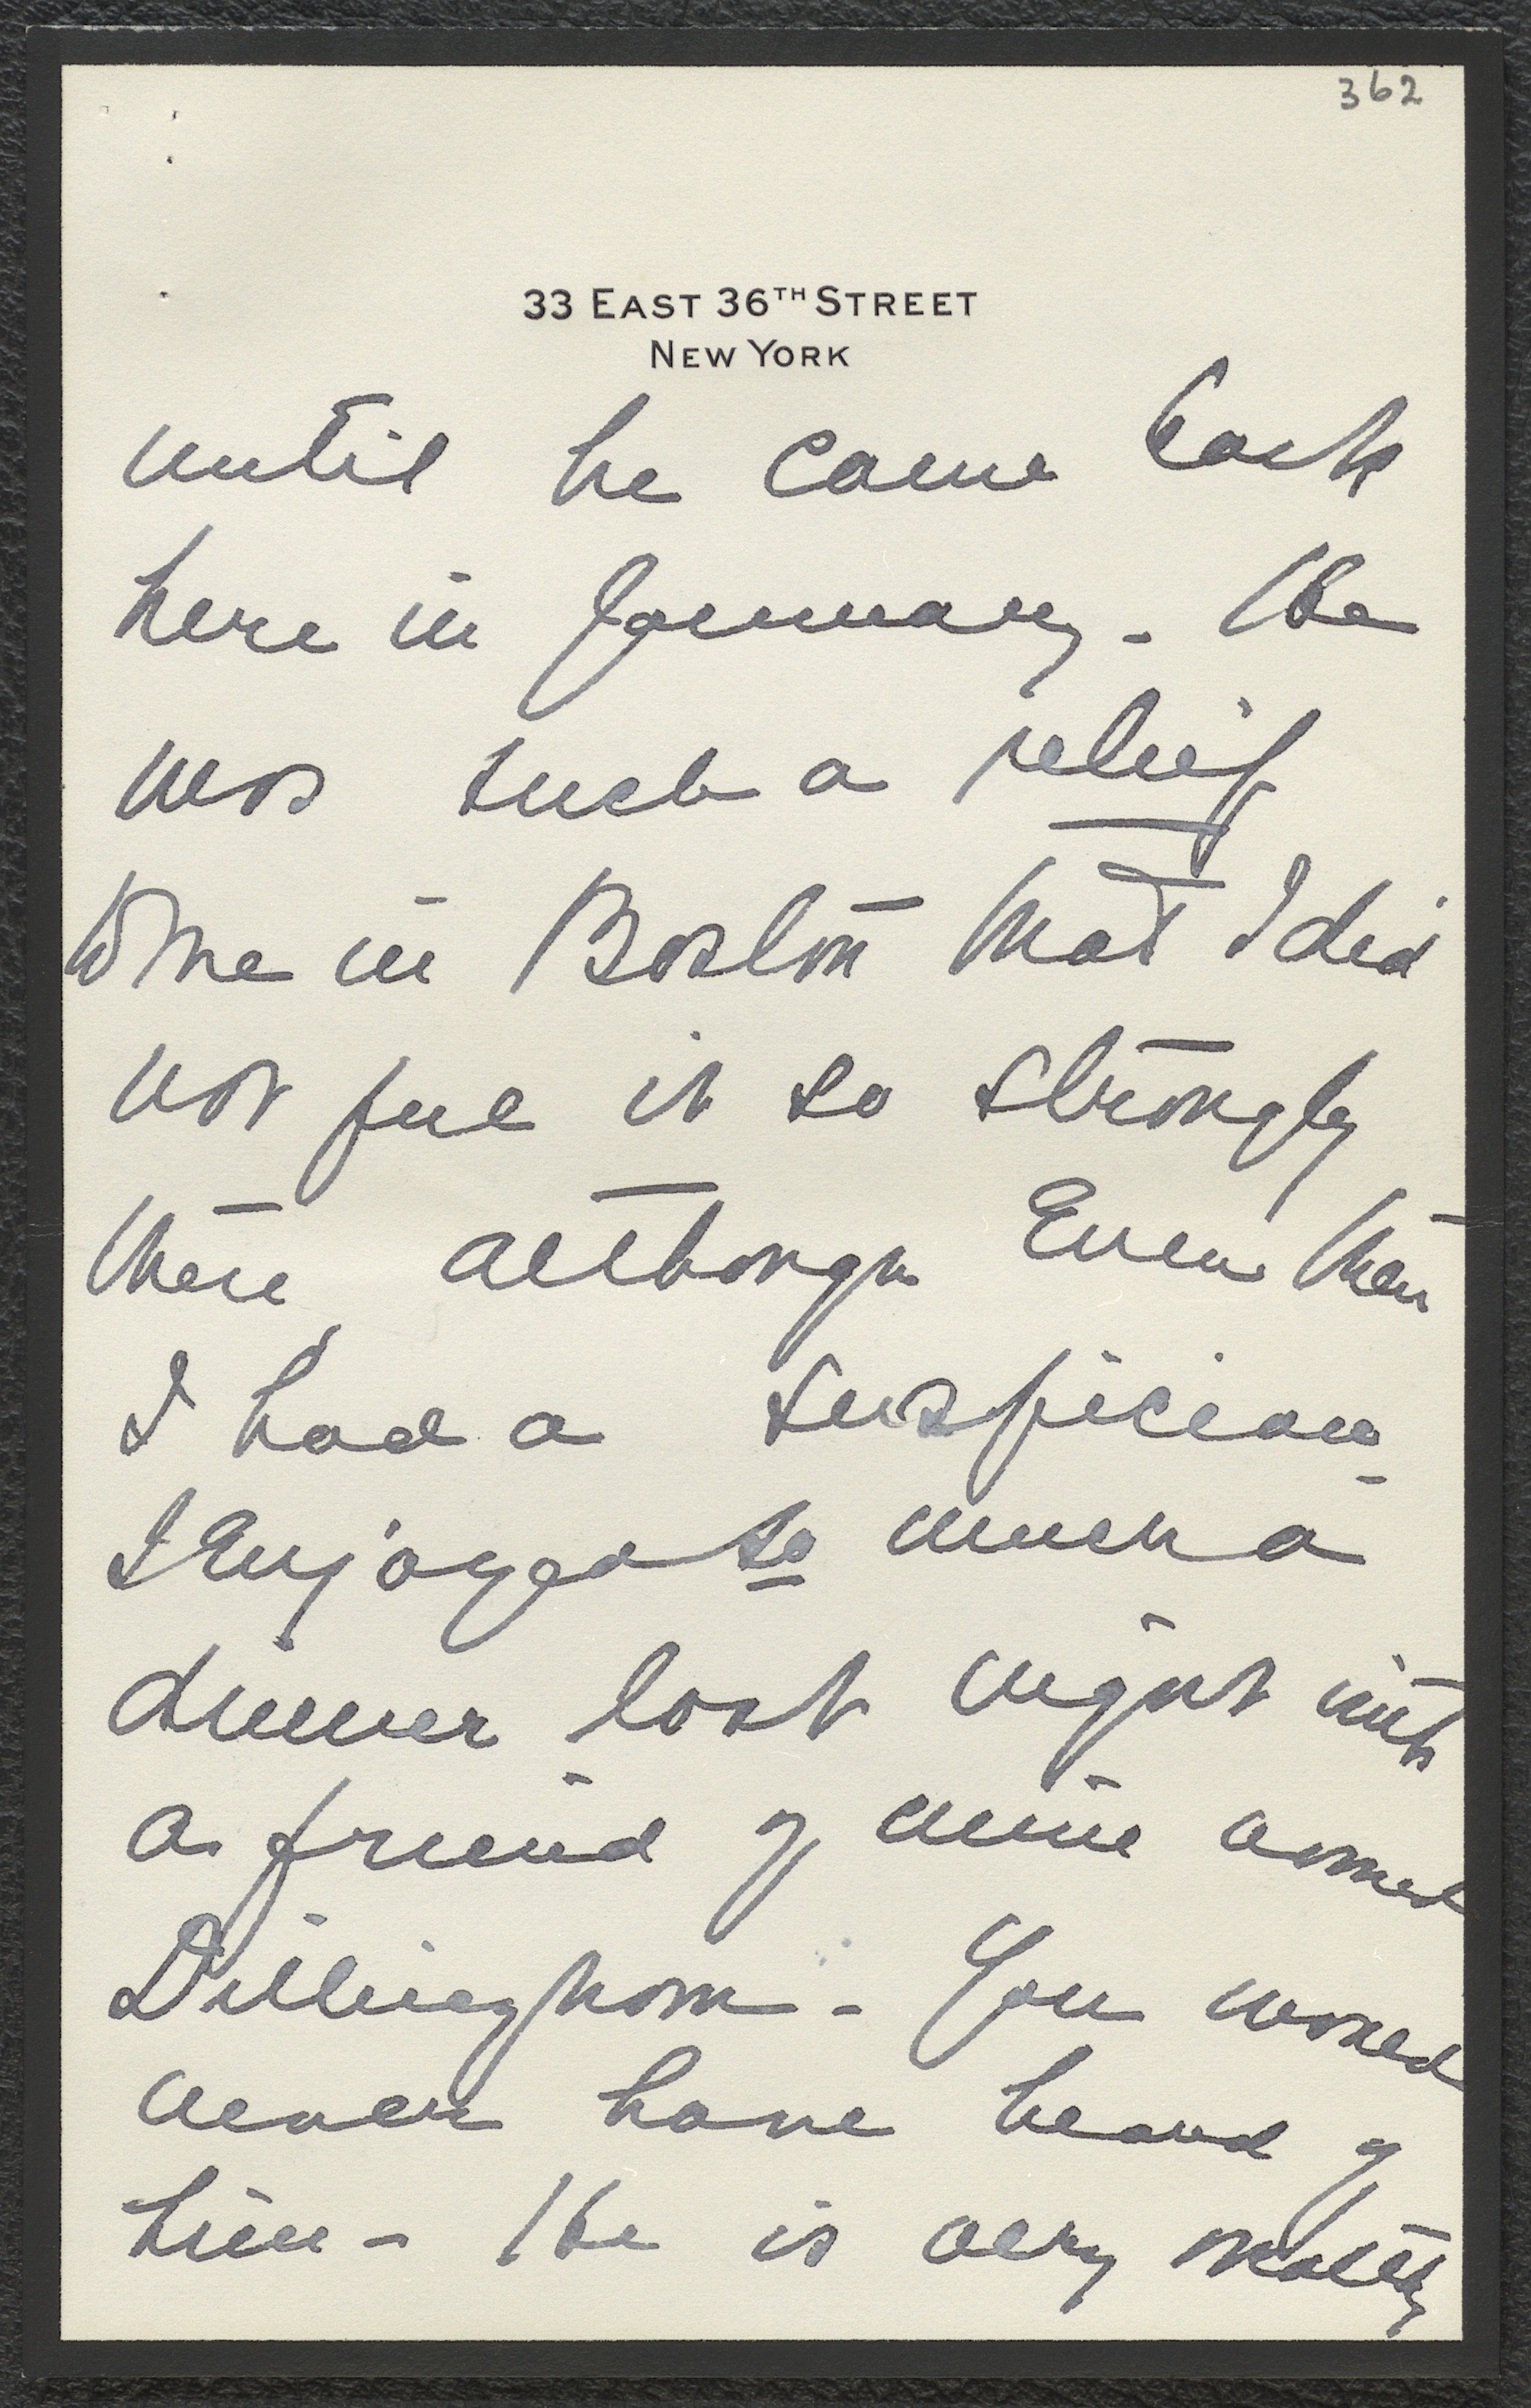until he came back here in January – He was such a relief to me in Boston that I did not feel it so strongly there although even then I had a suspicion I enjoyed so much a dinner last night with a friend of mine named Dillingham. You would never have heard of him – He is very wealthy